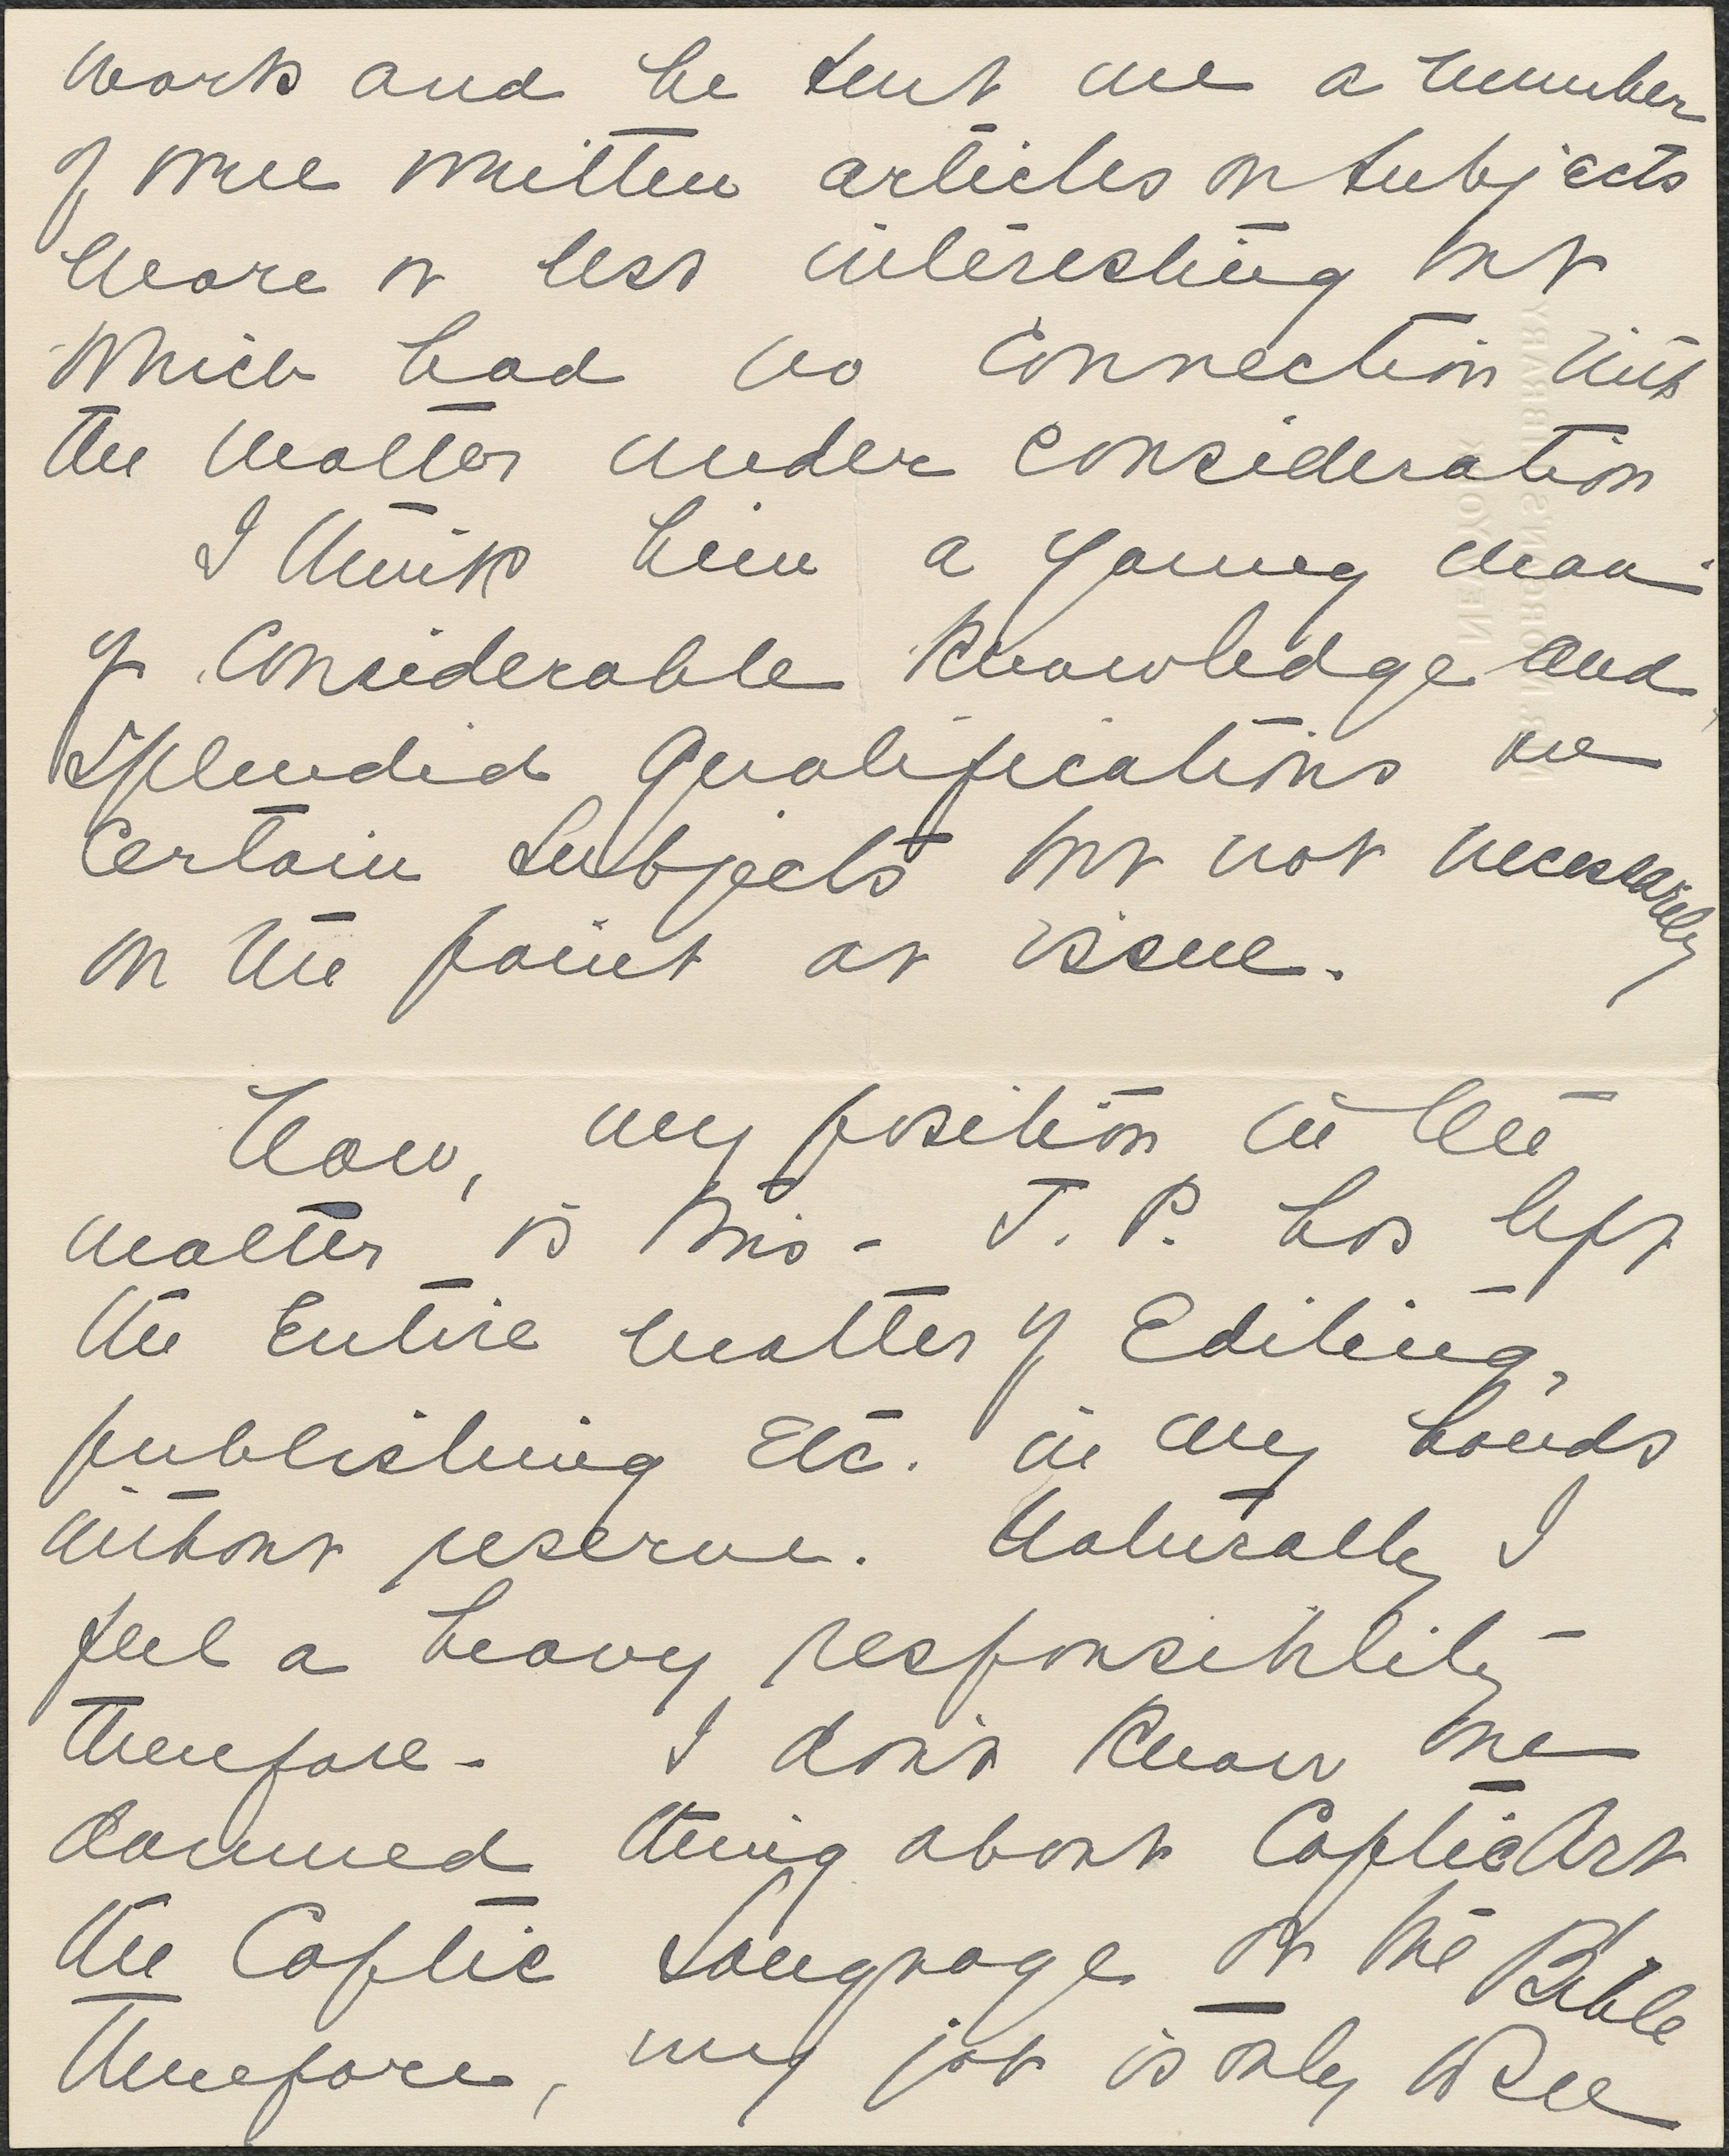work and he sent me a number of well written articles on subjects more or less interesting but which had no connection with the matter under consideration I think him a young man of considerable knowledge and splendid qualification in certain subjects but not necessarily on the point at issue.
Now, my position in the matter is this – J. P. has left the entire matter of editing, publishing etc. in my hands without reserve. Naturally I feel a heavy responsibility therefore – I don’t know one damned thing about Coptic art the Coptic language or the Bible therefore, my job is only to see